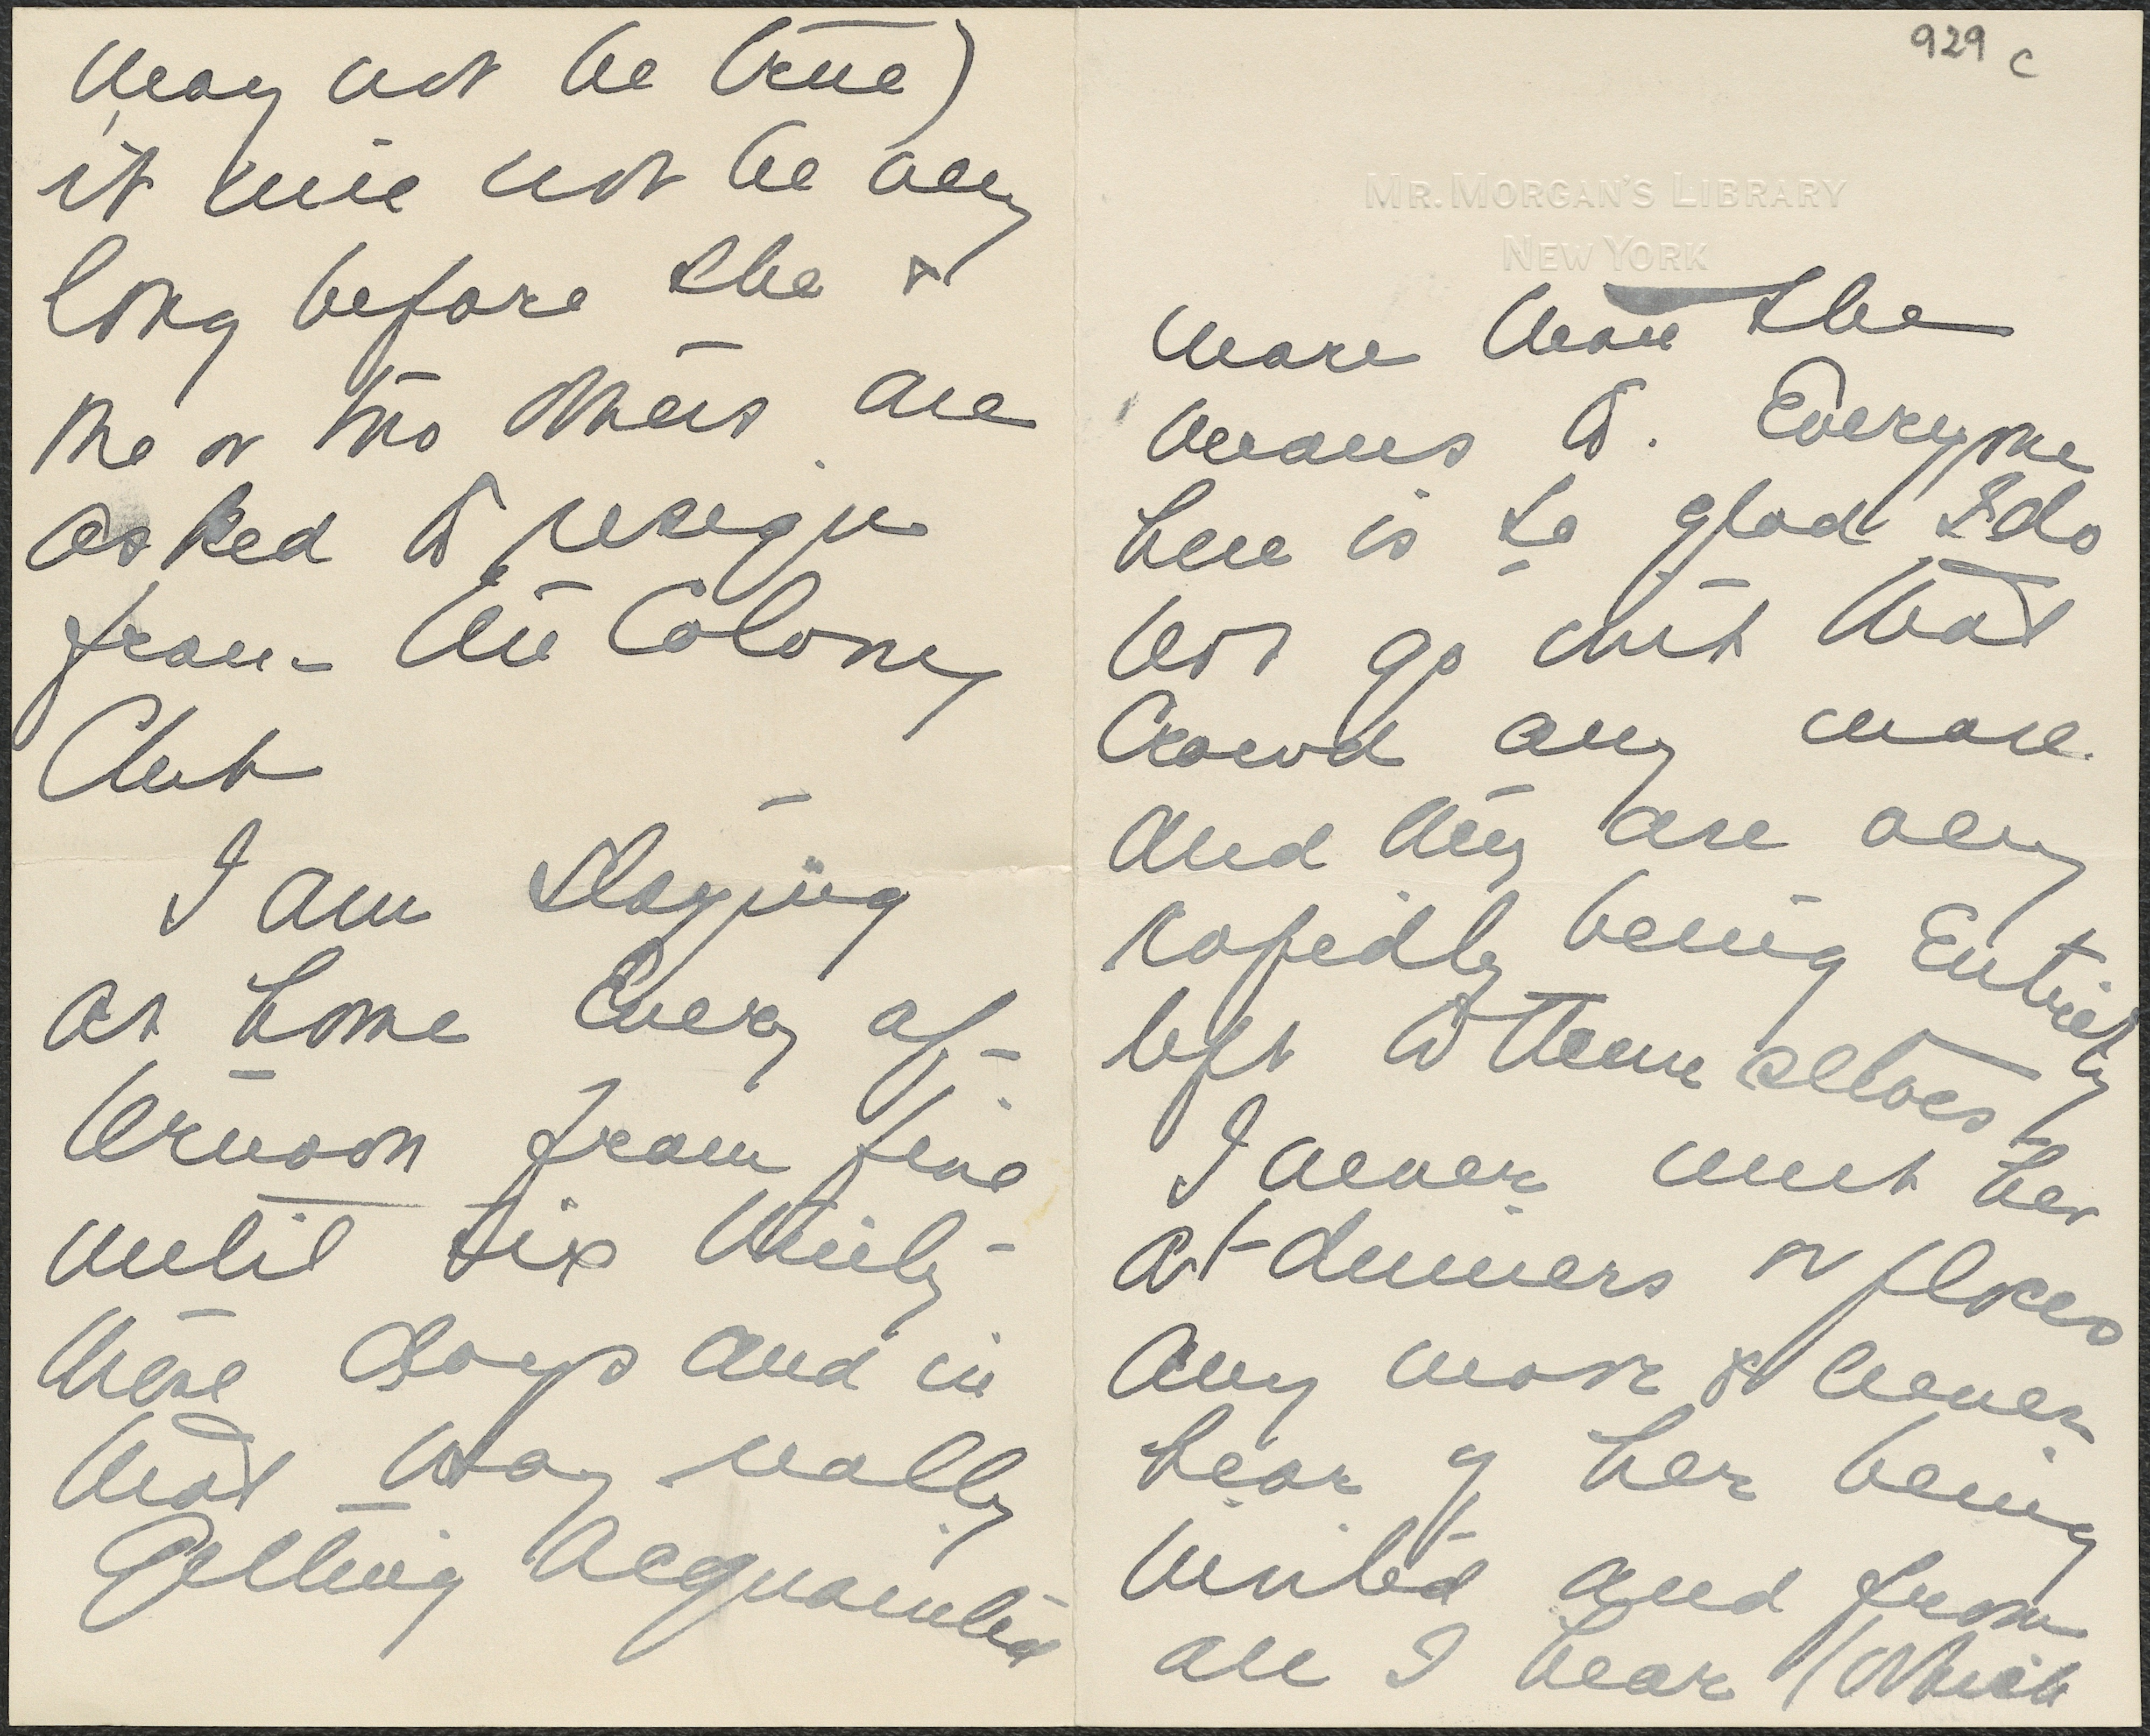more than she means to. Everyone here is so glad I do not go with that crowd anymore. And they are very rapidly being entirely left to themselves – I never meet her at dinners or places anymore & never hear of her being invited and from all I hear (which
may not be true) it will not be any very long before she & one or two others are asked to resign from The Colony Club
I am staying at home every afternoon from five until six thirty these days and in that way really getting acquainted